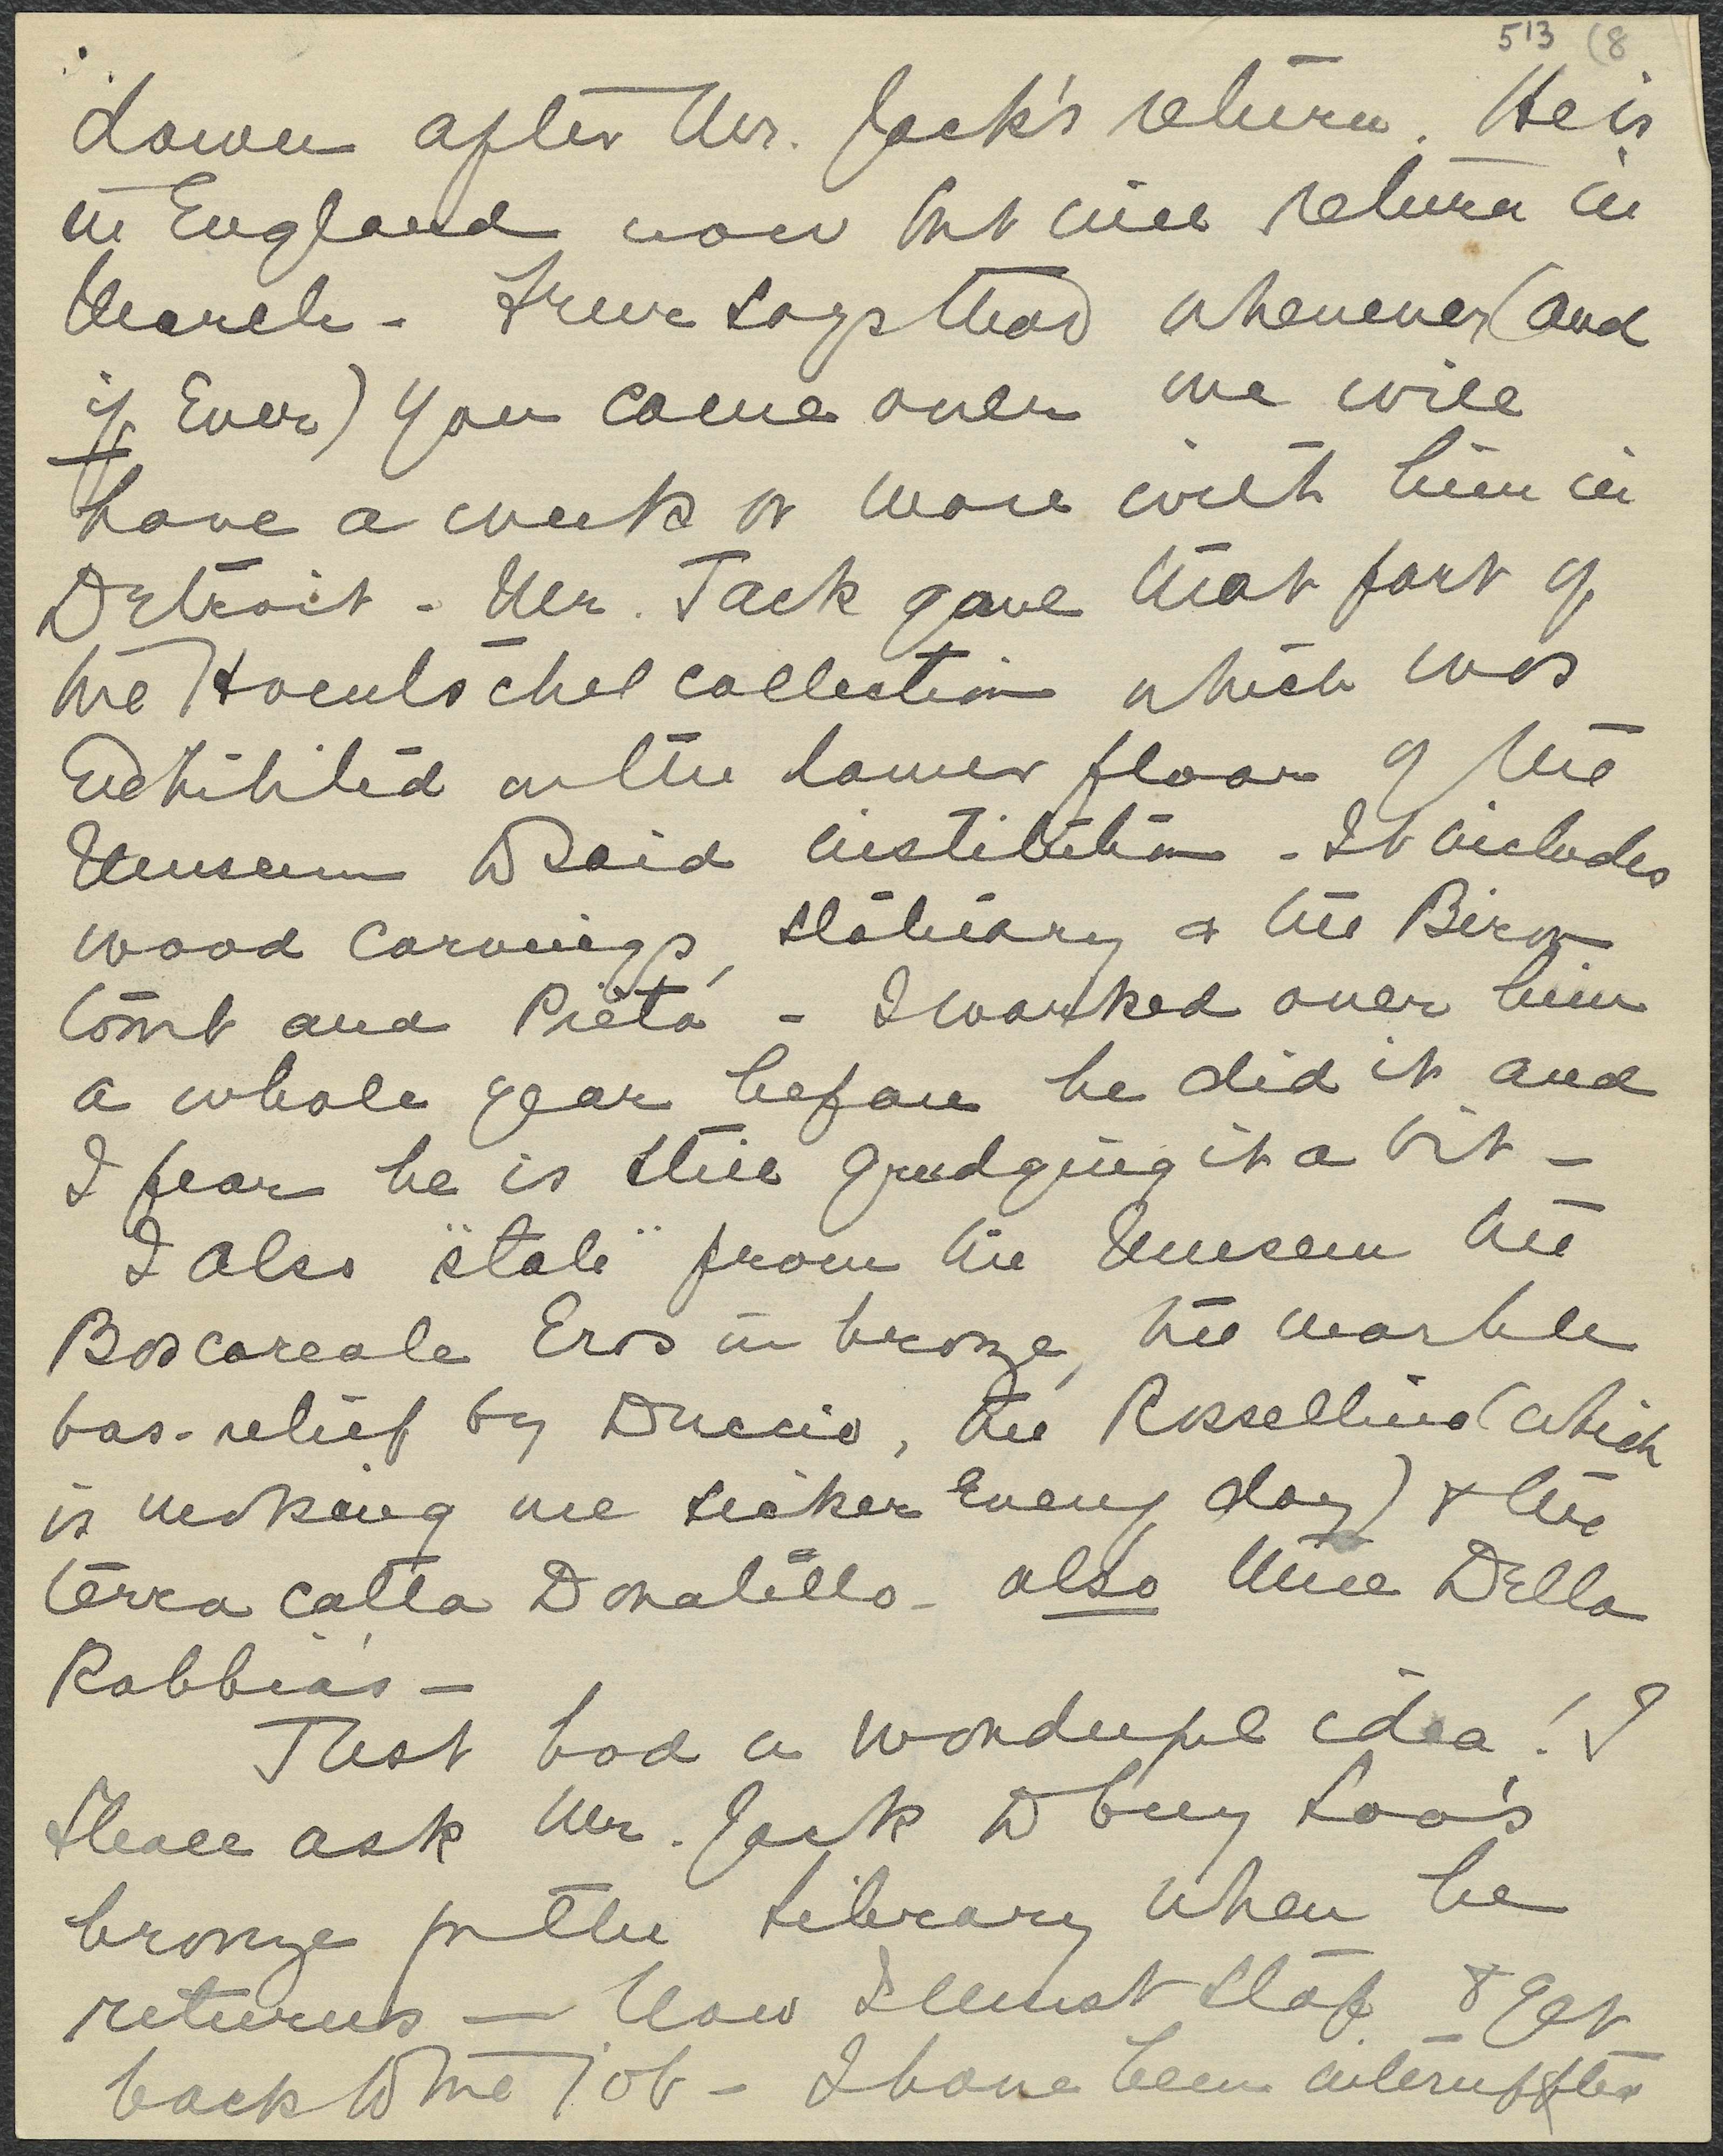down after Mr. Jack's return. He is in England now but will return in March – Freer says that whenever (and if ever) you come over we will have a week or more with him in Detroit – Mr. Jack gave that part of the Hoentschel collection which was exhibited on the lower floor of the Museum to said institution. It includes wood carvings, statuary & the Biron tomb and Pietá – I worked over him a whole year before he did it and I fear he is still grudging it a bit –
I also "stole" from his Museum the Boscoreale Eros in bronze, the marble bas-relief by Duccio, the Rossellino (which is making me sicker every day) & the terra cotta Donatello – also three Della Rabbia's –
Just had a wonderful idea! I shall ask Mr. Jack to buy Loo's bronze for the Library when he returns – Now I must stop & get back to the job – I have been interuppted [sic]